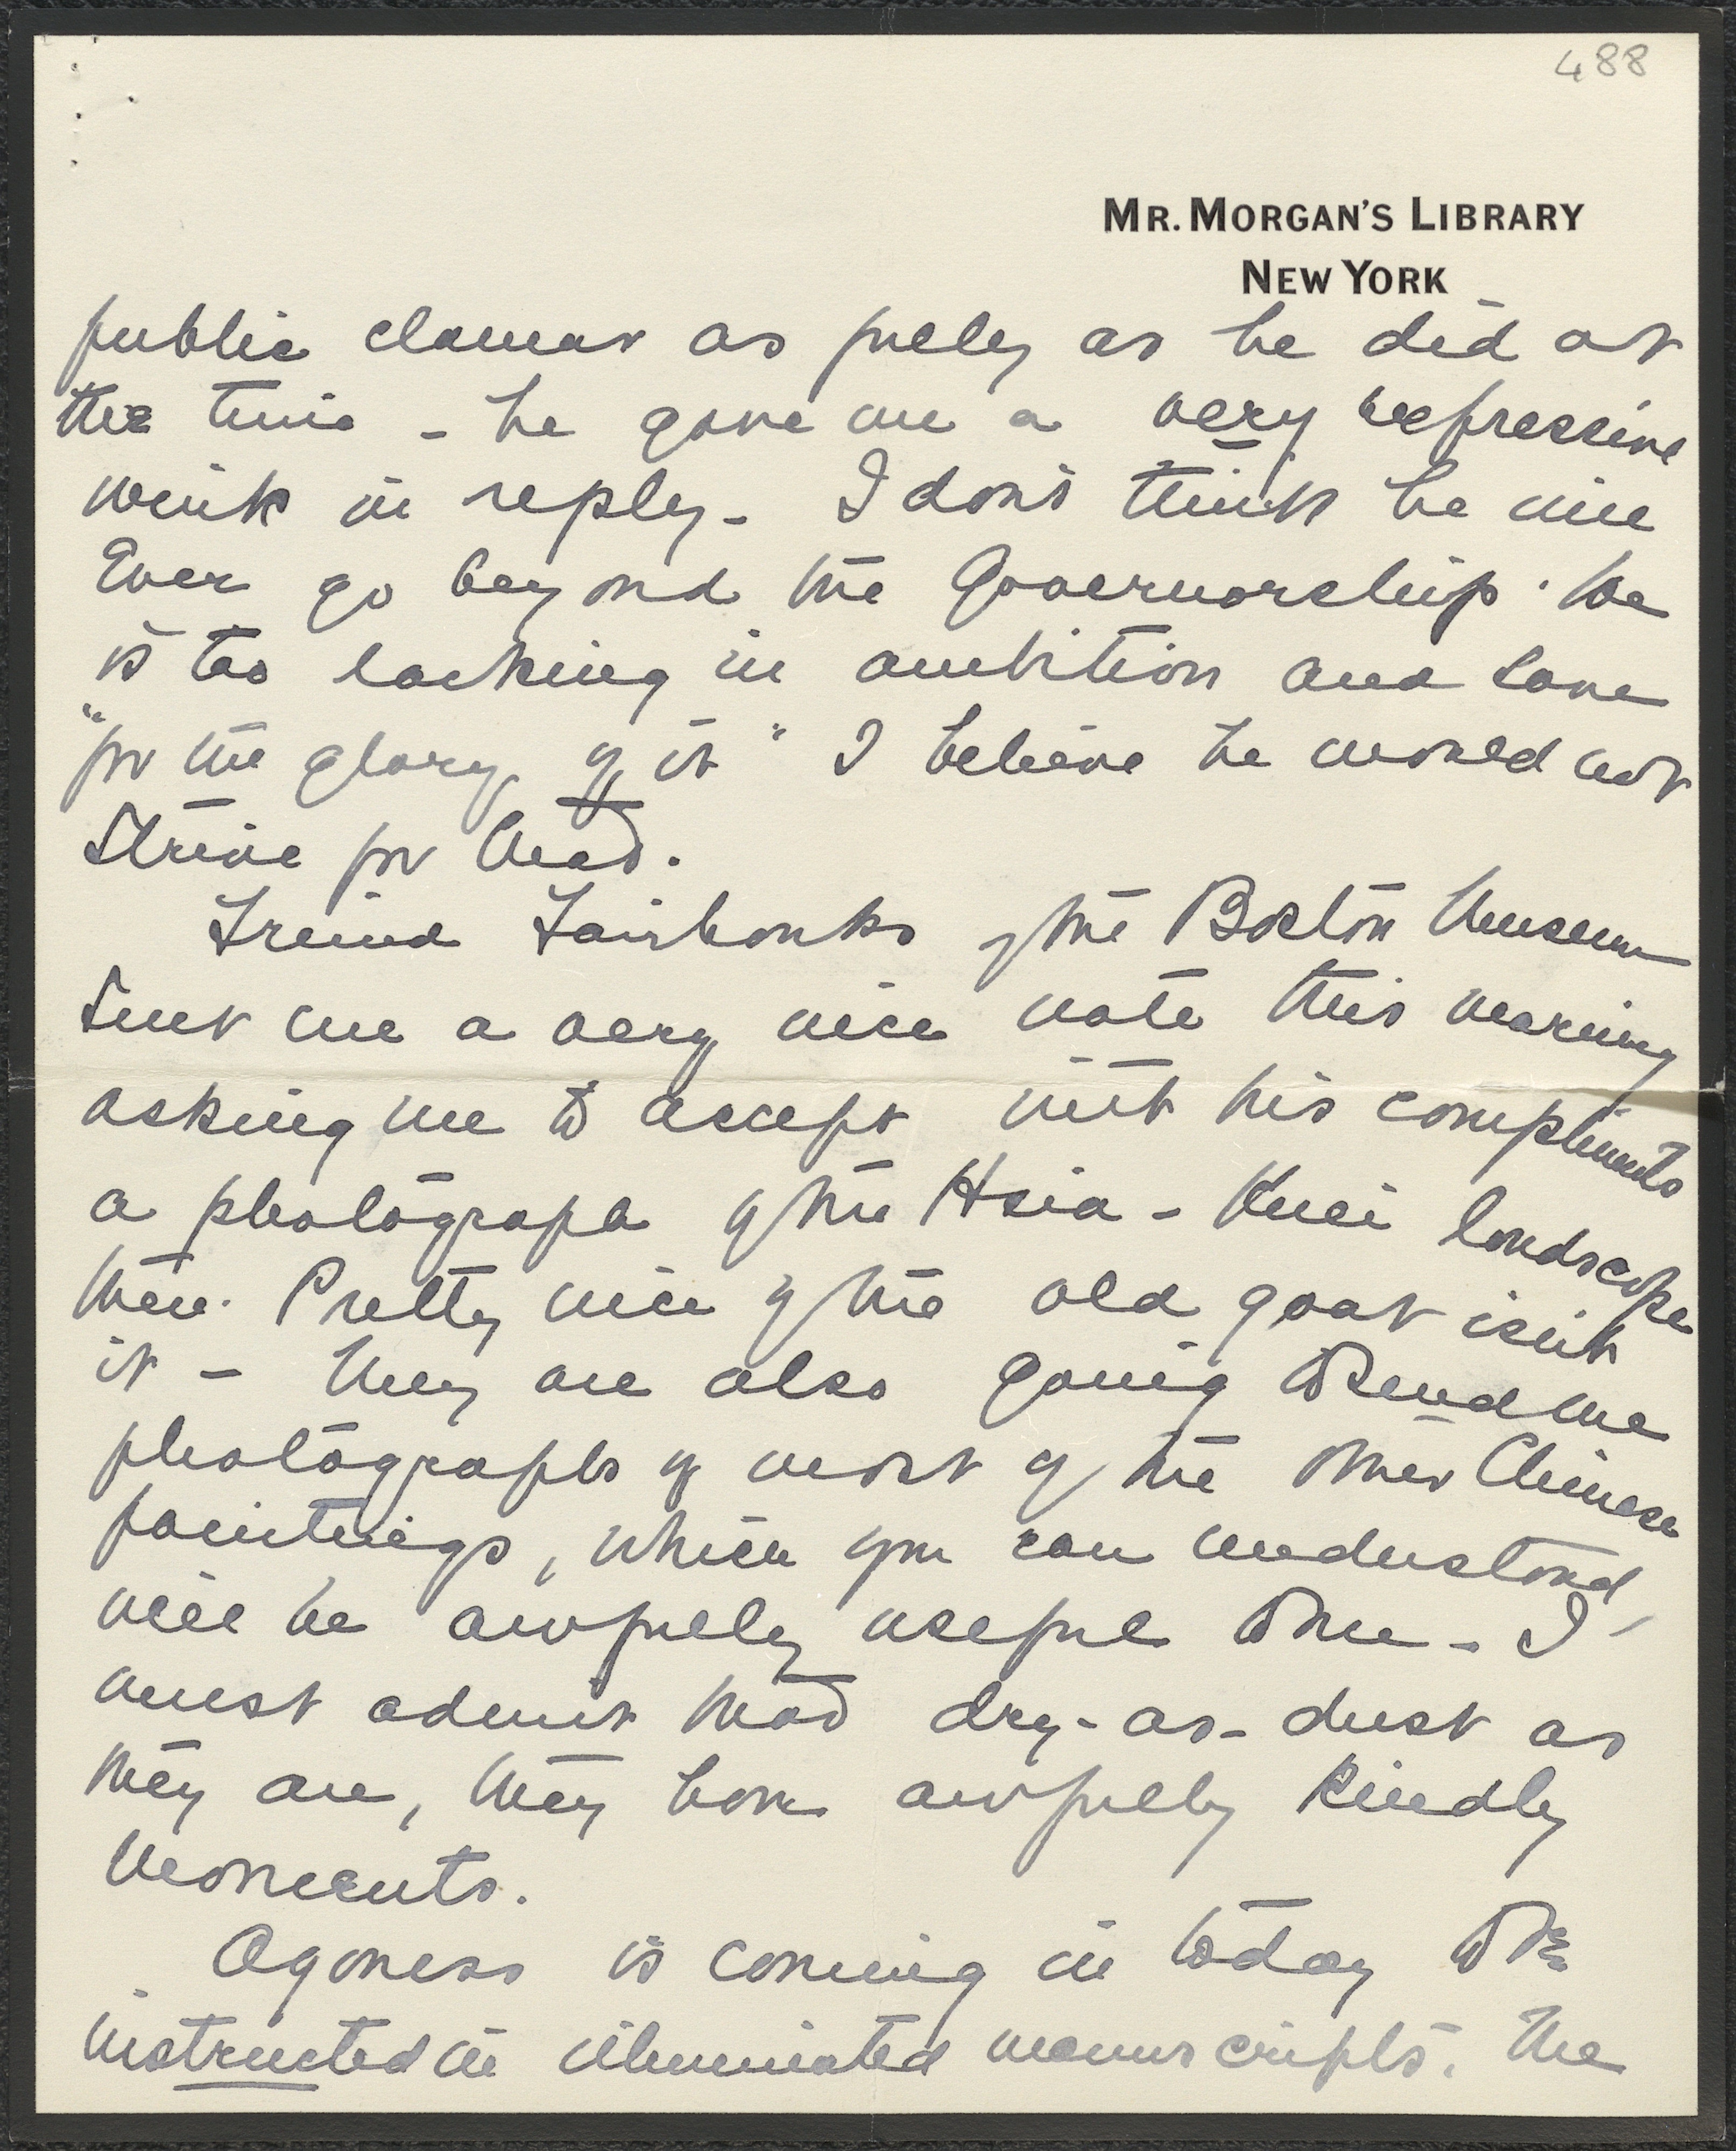public clamor as fully as he did at the time – he gave me a very expressive wink in reply – I don’t think he will ever go beyond the Governorship. He is too lacking in ambition and save “for the glory of it” I believe he would not strive for that.
Friend Fairbanks of the Boston Museum sent me a very nice note this morning asking me to accept with his compliments a photograph of the Hsia-Kuei landscape there. Pretty nice of the old goat isn’t it – they are also going to send me photographs of most of the other Chinese paintings, which you can understand will be awfully useful to me – I must admit that dry-as-dust as they are, they have awfully kindly moments.
Agoness is coming in today to be instructed in illuminated manuscripts. The